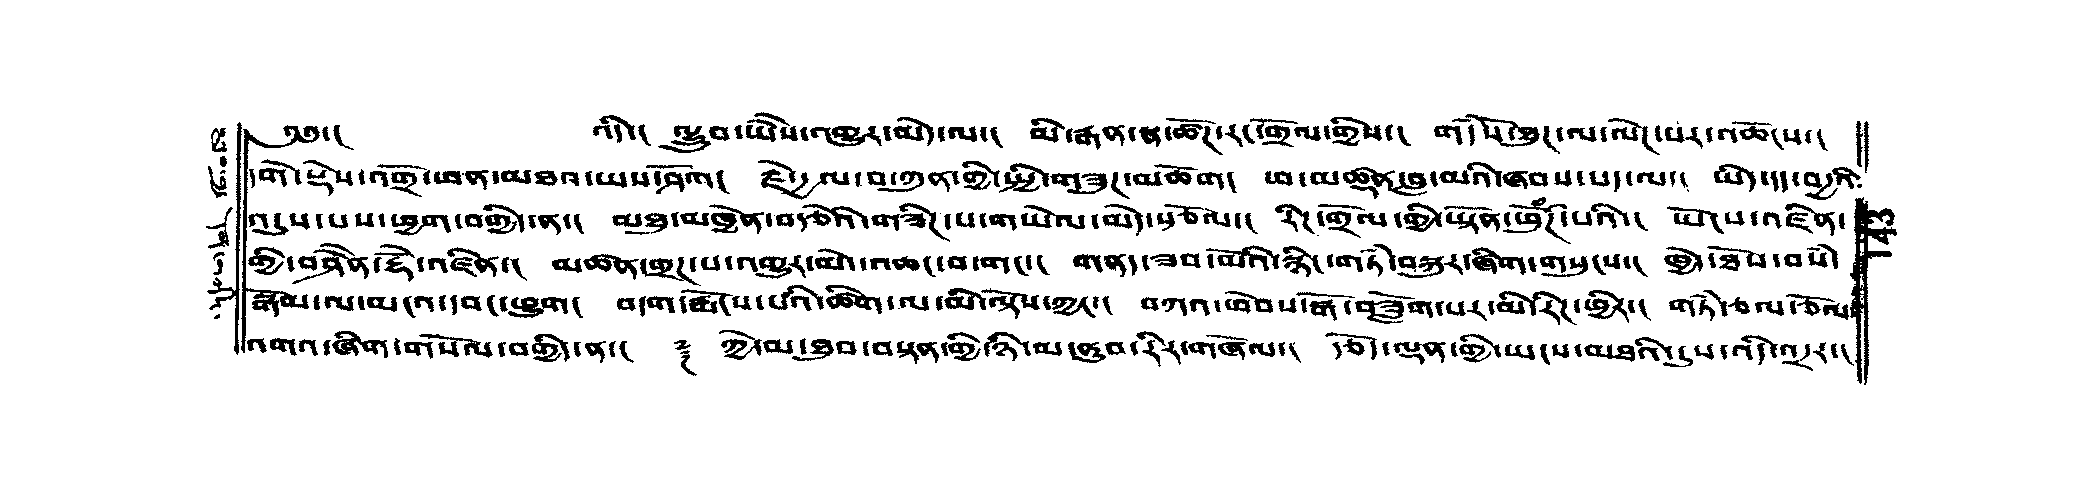འདི། །ལྷུན་གྲུབ་ཡེ་ཤེས་འགྱུར་མེད་ལ། །མི་རྒན་སྣ་ཚོགས་རང་གྲོལ་གྱིས། །གདམས་སོ་ཐུགས་ལ་ལེགས་པར་འཆོངས། །
དགེ་དེས་འགྲོ་ཕན་མཐའ་ཡས་ཤོག༈ རྗེ་རྒྱལ་བ་ཀུན་གྱི་སྤྱི་གཟུགས་མཆོག །ཕ་མཚན་ལྡན་བླ་མའི་ཞབས་པད་ལ། །ཡིད་དད་བརྒྱའི་
འདུས་པས་ཕྱག་བགྱིད་ན། །མཐུ་མཁྱེན་བརྩེའི་གཟིགས་པ་གཡེལ་མེད་སྩོལ། །རིག་གྲོལ་གྱི་ཡོན་ཏན་ཕུན་ཚོགས་པའི། །ཡོངས་འཛིན་
གྱི་བཤེས་གཉེན་རྡོ་རྗེ་འཛིན། །མཚན་གྲགས་པ་འགྱུར་མེད་འཆང་བ་གང་། །གནད་ཟབ་མོའི་སྙིང་གཏམ་བསྐུར་ཞིག་གསུང་། །ཁྱེད་ཐོས་བསམ་
སྒོམ་ལ་མངའ་དབང་ཕྱུག །བདག་རྨོངས་པའི་ཚིག་ལ་མི་ལྟོས་ཀྱང་། །བཀའ་ཕེབས་སྒོ་བཟློག་པར་མི་རིགས་ཕྱིར། །གཏམ་ཅལ་ཅོལ་
འགའ་ཞིག་གསོལ་བགྱིད་ན། ༈ ཀྱེ་མ་ཐུབ་བསྟན་གྱི་ཉི་མ་ནུབ་རིར་གཞོལ། །རྩོད་ལྡན་གྱི་ཡང་མཐའི་དུས་འདི་འདྲར།